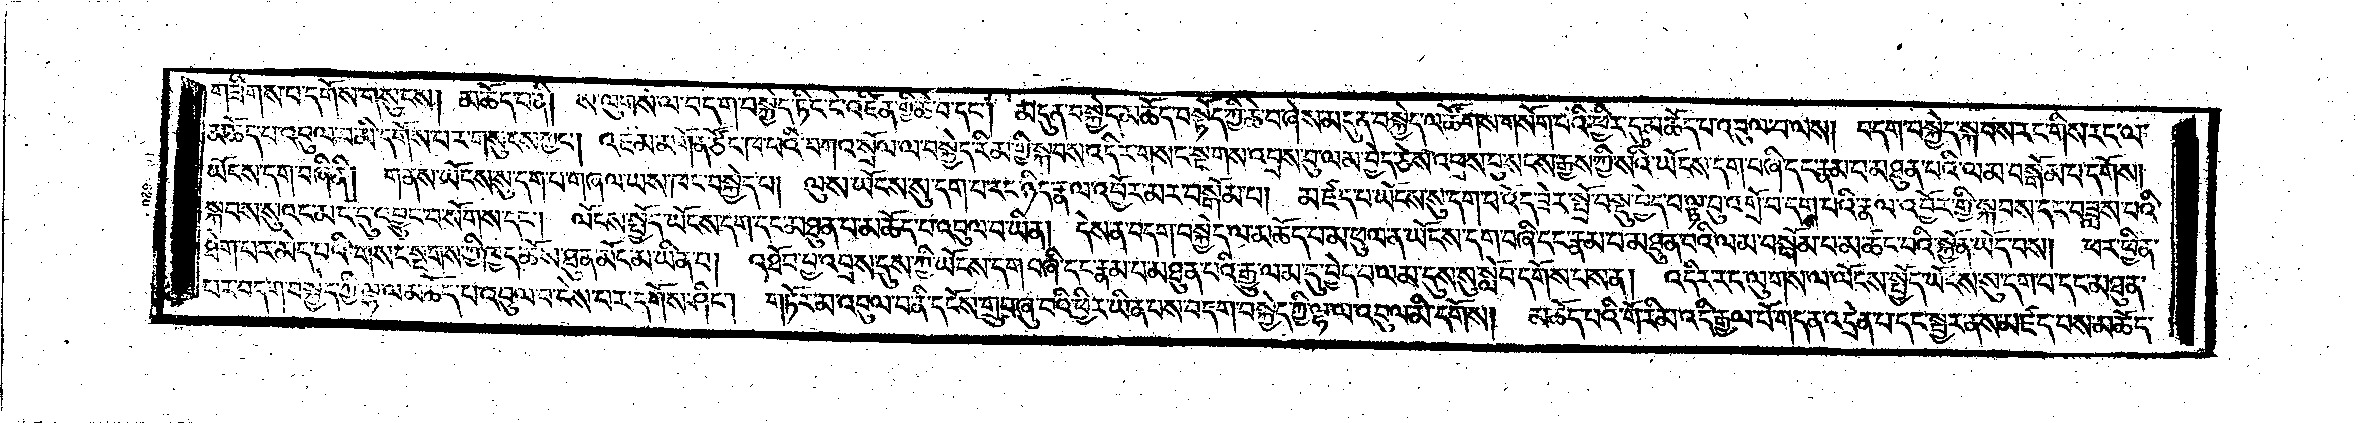གཟིགས་པ་དགོས་གསུངས། མཆོད་པ་ནི། ས་ལུགས་ལ་བདག་བསྐྱེད་ཏིང་ངེ་འཛིན་གྱི་ཆེ་བ་དང་། མདུན་བསྐྱེད་མཆོད་བསྟོད་ཀྱི་ཆེ་བ་ཞེས་མདུན་བསྐྱེད་ལ་ཚོགས་གསོག་པའི་ཕྱིར་དུ་མཆོད་པ་འབུལ་བ་ལས། བདག་བསྐྱེད་སྐབས་རང་གིས་རང་ལ་
མཆོད་པ་འབུལ་བ་མི་དགོས་པར་གསུངས་ཀྱང་། འཇམ་མགོན་ཙོང་ཁ་པའི་བཀའ་སྲོལ་ལ་བསྐྱེད་རིམ་གྱི་སྐབས་འདིར་གསང་སྔགས་འབྲས་བུ་ལམ་བྱེད་ཅེས་འབྲས་བུ་སངས་རྒྱས་ཀྱི་སའི་ཡོངས་དག་བཞི་དང་རྣམ་པ་མཐུན་པའི་ལམ་བསྒོམ་པ་དགོས།
ཡོངས་དག་བཞི་ནི། གནས་ཡོངས་སུ་དག་པ་གཞལ་ཡས་ཁང་བསྐྱེད་པ། ལུས་ཡོངས་སུ་དག་པ་རང་ཉིད་རྣལ་འབྱོར་མར་བསྒོམ་པ། མཛད་པ་ཡོངས་སུ་དག་པ་འོད་ཟེར་སྤྲོ་བསྡུ་བྱེད་པ་ལྟ་བུ་འགྲོ་བ་དག་པའི་རྣལ་འབྱོར་གྱི་སྐབས་དང་བཟླས་པའི་
སྐབས་སུའང་མང་དུ་འབྱུང་བ་སོགས་དང་། ལོངས་སྤྱོད་ཡོངས་དག་དང་མཐུན་པ་མཆོད་པ་འབུལ་བ་ཡིན། དེས་ན་བདག་བསྐྱེད་ལ་མཆོད་པ་མ་ཕུལ་ན་ཡོངས་དག་བཞི་དང་རྣམ་པ་མཐུན་པའི་ལམ་བསྒོམ་པ་མ་ཚང་བའི་སྐྱོན་ཡོད་པས། ཕར་ཕྱིན་
ཐེག་པར་མེད་པའི་གསང་སྔགས་ཀྱི་ཁྱད་ཆོས་ཐུན་མོང་མ་ཡིན་པ། འཐོབ་བྱ་འབྲས་དུས་ཀྱི་ཡོངས་དག་བཞི་དང་རྣམ་པ་མཐུན་པའི་རྒྱུ་ལམ་དུ་བྱེད་པ་ལམ་དུས་སུ་སློབ་དགོས་པས་ན། འདིར་རང་ལུགས་ལ་ལོངས་སྤྱོད་ཡོངས་སུ་དག་པ་དང་མཐུན་
པར་བདག་བསྐྱེད་ཀྱི་ལྷ་ལ་མཆོད་པ་འབུལ་བ་ངེས་པར་དགོས་ཤིང་། གཏོར་མ་འབུལ་བ་ནི་དངོས་གྲུབ་ཞུ་བའི་ཕྱིར་ཡིན་པས་བདག་བསྐྱེད་ཀྱི་ལྷ་ལ་འབུལ་མི་དགོས། མཆོད་པའི་གོ་རིམ་འདི་རྒྱལ་པོ་གདན་འདྲེན་པ་དང་སྦྱར་ནས་མཛད་པས་མཆོད་